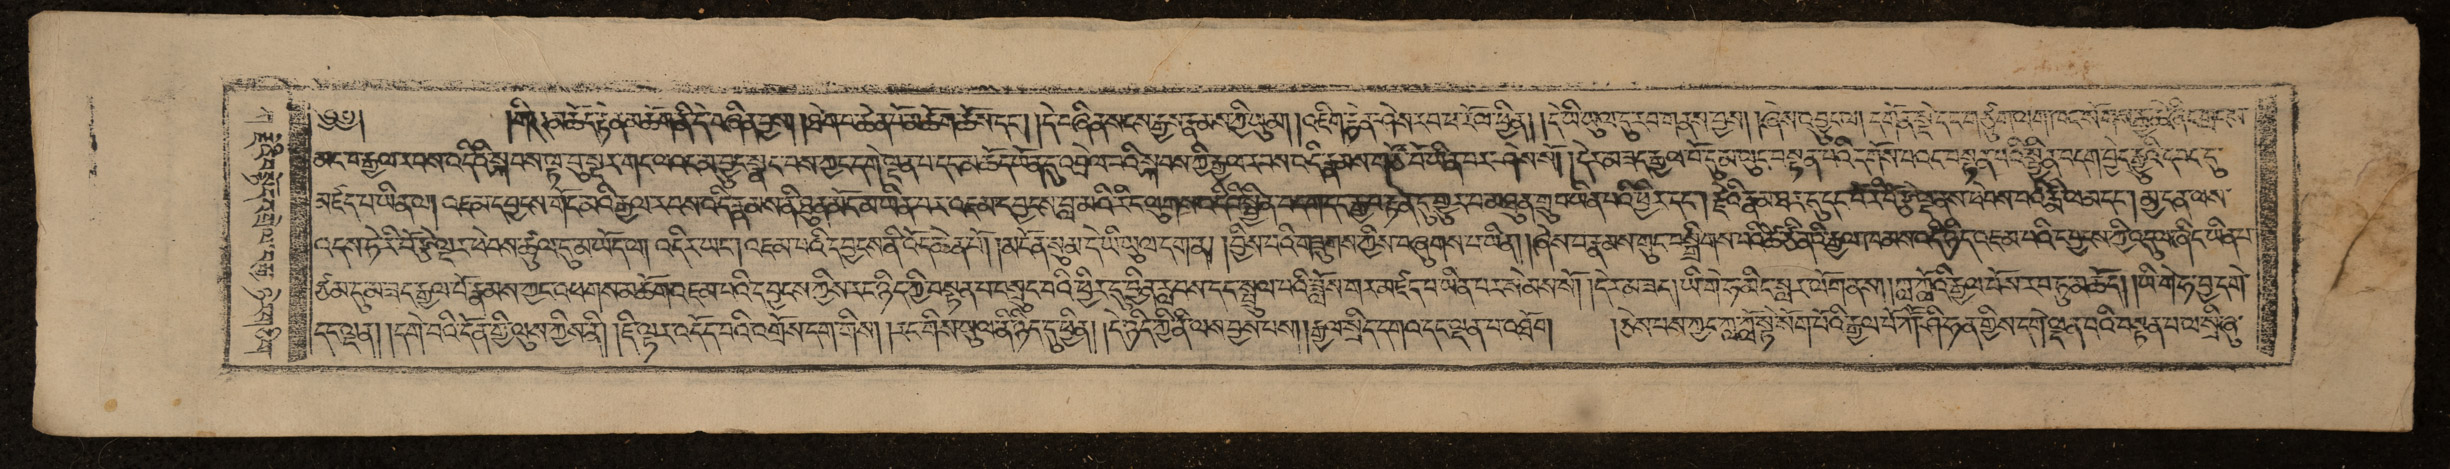༄༅། །གི། །མཆོད་རྟེན་མཆོག་ནི་དེ་བཞིན་བྱས། །ཐེག་པ་ཆེན་པོ་མཆོག་ཆོས་དང་། །དེ་བཞིན་སངས་རྒྱས་རྣམས་ཀྱི་ཡུམ། །འཇིག་རྟེན་ཤེས་རབ་ཕ་རོལ་ཕྱིན། །དེ་ཡི་ཡུལ་དུ་རབ་གནས་བྱས། །ཞེས་འབྱུང་ལ། དགོན་སྡེ་དང་གཙུག་ལག་ཁང་སོགས་རྒྱ་ཆེ་ཞིང་གྲངས་
མང་བ་རྒྱལ་རབས་འདིའི་སྐབས་ལྟ་བུ་སྔར་གང་ལའང་མ་བྱུང་སྣང་བས་ཀྱང་དགེ་ལྡན་པ་དངོས་མཆོད་ཡོན་དུ་འབྲེལ་བའི་སྐབས་ཀྱི་རྒྱལ་རབས་འདི་རྣམས་གཙོ་བོ་ཡིན་བཀྲ་ཤེས་སོ། །དེར་མ་ཟད་རྒྱལ་པོ་དུམ་ལུང་བསྟན་པའི་དགོས་པའང་བསྟན་པའི་སྦྱིན་བདག་བྱེད་རྒྱུའི་དབང་དུ་
མཛད་པ་ཡིན་ལ། འཇམ་དབྱངས་གོང་མའི་རྒྱལ་རབས་འདི་རྣམས་ནི་ཐུན་མོང་མ་ཡིན་པར་འཇམ་དབྱངས་བླ་མའི་རིང་ལུགས་འདིའི་སྦྱིན་བདག་དང་རྒྱ་བརྟེན་དུ་གྱུར་པ་མཐུན་གྲུབ་པ་ཡིན་པའི་ཕྱིར་དང་། རྗེའི་རྣམ་ཐར་དུ་དང་པོ་རི་བོ་རྩེ་ལྔ་ནས་ཕེབས་པའི་རྨི་ལམ་དང་། མྱ་ངན་ལས་
འདས་ཏེ་རི་བོ་རྩེ་ལྔར་ཕེབས་ཚུལ་དུ་མ་ཡོད་ལ། འདིར་ཡང་། འཇམ་པའི་དབྱངས་ནི་འོད་ཆེན་པོ། །མངོན་སུམ་དེ་ཡི་ཡུལ་དག་ན། །བྱིས་པའི་གཟུགས་ཀྱིས་བཞུགས་པ་ཡིན། །ཞེས་པ་རྣམས་གུང་བསྒྲིགས་པའི་ཚེ་ཙིནཱི་རྒྱལ་ཁམས་འདི་ཉིད་འཇམ་པའི་དབྱངས་ཀྱི་འདུལ་ཞིང་ཡིན་པ་
ཙམ་དུ་མ་ཟད་རྒྱལ་པོ་རྣམས་ཀྱང་འཕགས་མཆོག་འཇམ་པའི་དབྱངས་ཀྱིས་རང་ཉིད་ཀྱི་བསྟན་པ་བསྲུང་བའི་ཕྱིར་དུ་བྱིན་རླབས་དང་སྤྲུལ་པའི་ཟློས་གར་མཛད་པ་ཡིན་པར་སེམས་སོ། །དེར་མ་ཟད། ཡི་གེ་ཧ་མིང་སླར་ལོག་ནས། །ཀླ་ཀློའི་རྒྱལ་པོས་རབ་ཏུ་མཆོད། །ཡི་གེ་ཧ་བྱ་དགེ་
དང་ལྡན། །དགེ་བའི་དོན་གྱི་ལུས་ཀྱིས་ནི། །ཇི་ལྟར་འདོད་པའི་འགྲོས་དག་གིས། །རང་གིས་ཡུལ་ནི་ཉིད་དུ་ཕྱིན། །དེ་ཉིད་ཀྱི་ནི་ལས་བྱས་པས། རྒྱལ་སྲིད་དགའ་དང་ལྡན་པ་འཐོབ། །ཅེས་པས་ཀྱང་ཀླ་ཀློ་སྟེ་སོག་པོའི་རྒྱལ་པོ་ཀཽ་ཤི་ཧན་གྱིས་དགེ་ལྡན་པའི་བསྟན་པ་ལ་སྲི་ཞུ་